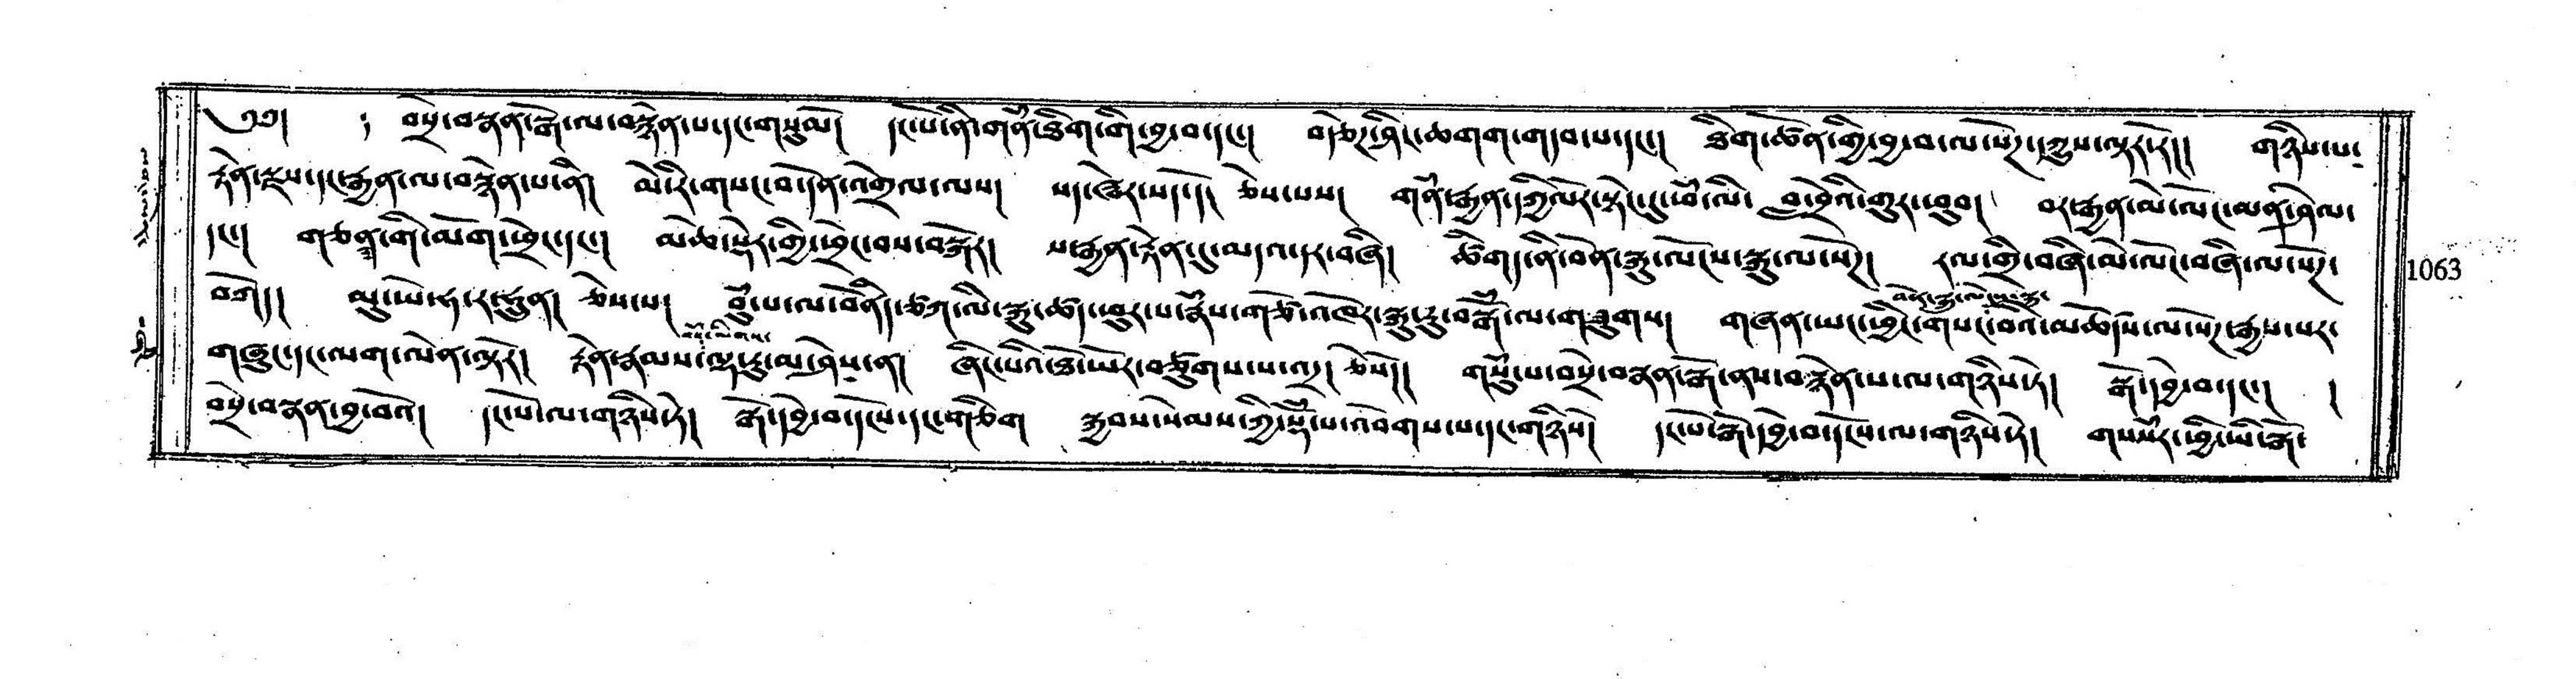བསྲེ་བསྣན་སྒོ་ལ་བསྙེན་པ་དང་གསུམ་མོ། དང་པོ་ནི་གནམ་ཐིག་གི་བྱ་བ་དང་། བརྩེགས་ཤིང་ཆག་ཆག་གདབ་པ་དང་། ཐིག་ཚོན་གྱི་བྱ་བ་ལ་སོགས་དཀྱུས་ལྟར་རོ། གཉིས་པ་
རྟེན་རྫས་དང་རྒྱན་ལ་བསྙེན་པ་ནི། མེ་རི་གསང་བ་དོན་འགྲེལ་ལས། སད་ཝེར་སད་དོ། ཅེས་པས། གནམ་རྒྱན་དཀྱིལ་འཁོར་སྟེང་དུ་ཕཾ་ལི་བླ་བྲེའི་གུར་ཕུབ། བར་རྒྱན་མེ་ལོང་མན་ཤེལ་
དང་། གཅན་ཟན་གི་མགོ་ཕྲེང་དང་། མཆེ་སྡེར་གྱི་ཕྲེང་བས་བསྐོར། ས་རྒྱན་རྟེན་དུ་མདའ་དར་བཞི། ཚིག་བཤད་ནི་བོན་སྐུ་ལོངས་སྐུ་ལ་སོགས། རལ་གྲི་བཞི་མེ་ལོང་བཞི་ལ་སོགས་
བཀོད། མུ་ཡེ་ཧ་ར་ཧྲུན། ཅེས་པ། བུམ་པ་ལ་བོན་ཉིད་ཙཀ་ལི་སྐུ་ཚད་ཕུར་པ་རྣམས་གཙོ་འཁོར་སྐུ་རུ་བསྒོམ་ལ་གཟུགས། གཞན་ཡང་ཕྱི་ནང་གསང་བོན་སྐུ་ལོངས་སྐུ་བའི་མཆོད་རྫས་ལ་སོགས་རྒྱས་པར་
གཞུང་དང་ལག་ལེན་ལྟར་རོ། རྟེན་རྣམས་བསམ་ལེགས་ལྷ་རུ་མ་ཤེས་ན། ཞིང་པའི་ཐོ་ཡོར་བཙུགས་པ་འདྲ། ཅེས་སོ།། གསུམ་པ་བསྲེ་བསྣན་སྒོ་ནས་བསྙེན་པ་ལ་གཉིས་ཏེ། སྒོ་དབྱེ་བ་དང་། 
བསྲེ་བསྣན་བྱ་བའོ། དང་པོ་ལ་གཉིས་ཏེ། སྒོ་དབྱེ་བ་དངོས་དང་གཅིག སྐྱབས་སེམས་ཀྱི་སྡོམ་པ་འབོགས་པ་དང་གཉིས་སོ། དང་པོ་སྒོ་དབྱེ་བ་དངོས་ལ་གཉིས་ཏེ། གསས་མཁར་ཕྱི་ཡི་སྒོ་